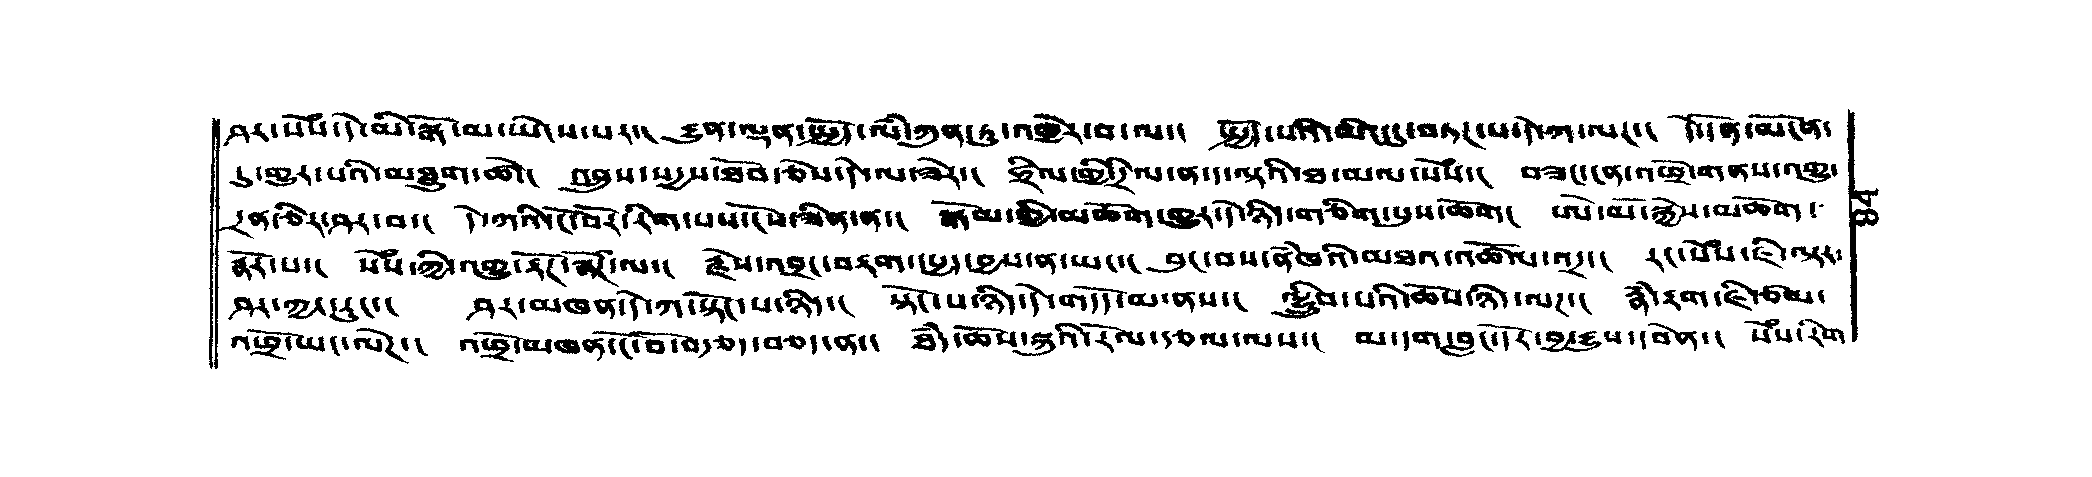ཤར་སེམས་དེ་མི་སྒོམ་ཡེངས་པར། །རྒྱུན་ལྡན་སྤྱོད་ལམ་ཀུན་ཏུ་འཁྱེར་བ་ལ། །སྤྱོད་པའི་མིང་དུ་བཏགས་པ་དེ་ཀ་ལགས། །དེ་དོན་མངོན་
དུ་གྱུར་པའི་མཐར་ཐུག་ཚེ། །འབྲས་བུ་སངས་རྒྱས་ཐོབ་ཅེས་དེ་ལ་ཟེར། །ཧྲིལ་གྱིས་དྲིལ་ན་ད་ལྟའི་ཐ་མལ་སེམས། །བཟང་ངན་འཕྲོ་གནས་འགྱུ་
དྲན་ཅི་ཤར་བ། །དེ་ཀའི་ངོ་བོར་རིག་པས་ངོས་འཛིན་ན། །སྒོམ་གྱི་མཆོག་གྱུར་དེ་ཉིད་གཅིག་པུས་ཆོག །ཨེ་མ་སྐྱེས་མཆོག་
རྣལ་འབྱོར་པ། །སེམས་ཀྱི་འགྱུ་རྟོག་སྣ་ཚོགས་ལ། །རྗེས་འབྲང་བརྟག་དཔྱད་བྱས་ན་ཡང་། །བུང་བས་ནམ་མཁའི་མཐའ་འཚོལ་འདྲ། །རང་སེམས་ཇི་ལྟར་
ཤར་ཡང་རུང་། །ཤར་མཁན་དེ་ཀ་སྟོང་པ་ཉིད། །སྟོང་པ་ཉིད་དེ་གདོད་མ་ནས། །ལྷུན་གྱིས་གྲུབ་པའི་ཆོས་ཉིད་ལགས། །རྣམ་རྟོག་ཇི་ཙམ་
འཕྲོ་ཡང་ལེགས། །འཕྲོ་མཁན་ངོ་བོ་རྩད་བཅད་ན། །ཐམས་ཅད་ཆོས་སྐུའི་རོལ་རྩལ་ལས། །མ་དག་བླང་དོར་བྱ་རྒྱུས་དབེན། །སེམས་རིག་